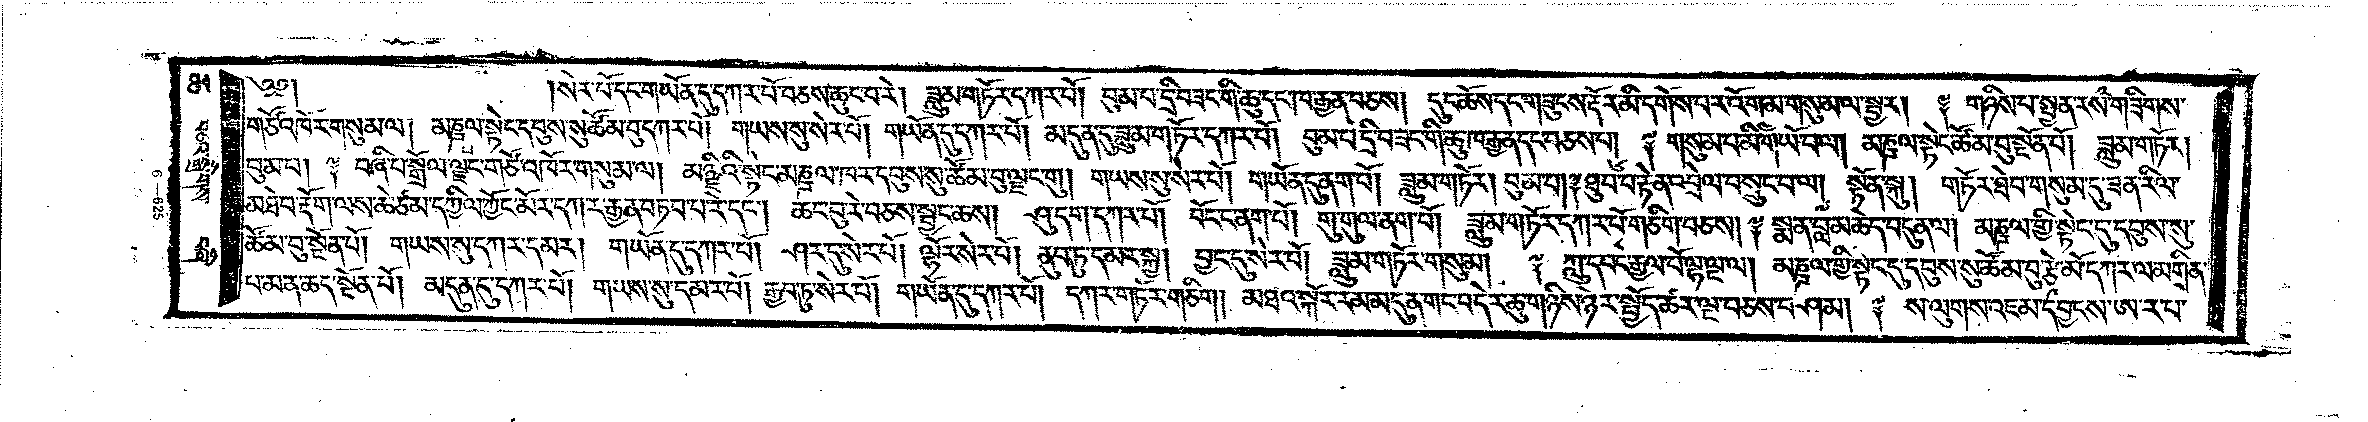༄༅། །སེར་པོ་དང་གཡོན་དུ་དཀར་པོ་བཅས་ཆུང་བ་རེ། ཟླུམ་གཏོར་དཀར་པོ། བུམ་པ་དྲི་བཟང་གི་ཆུ་དང་ཁ་རྒྱན་བཅས། དུང་ཆོས་དང་གཟུངས་རྡོར་མི་དགོས་པར་འོག་མ་གསུམ་ལ་སྦྱར། ༈ གཉིས་པ་སྤྱན་རས་གཟིགས་
གཙོ་འཁོར་གསུམ་ལ། མཎྜལ་སྟེང་དབུས་སུ་ཚོམ་བུ་དཀར་པོ། གཡས་སུ་སེར་པོ། གཡོན་དུ་དཀར་པོ། མདུན་དུ་ཟླུམ་གཏོར་དཀར་པོ། བུམ་པ་དྲི་བཟང་གི་ཆུ་ཁ་རྒྱན་དང་བཅས་པ། ༈ གསུམ་པ་མི་གཡོ་བ་ལ། མཎྜལ་སྟེང་ཚོམ་བུ་སྔོན་པོ། ཟླུམ་གཏོར།
བུམ་པ། ༈ བཞི་པ་སྒྲོལ་ལྗང་གཙོ་འཁོར་གསུམ་ལ། མཉྫིའི་སྟེང་མཎྜལ་ཁར་དབུས་སུ་ཚོམ་བུ་ལྗང་གུ། གཡས་སུ་སེར་པོ། གཡོན་དུ་ནག་པོ། ཟླུམ་གཏོར། བུམ་པ། ༈ ཐུབ་བརྟེན་འབྲེལ་བསྲུང་པ་ལ། སྟོན་སྐུ། གཏོར་ཐེབ་གསུམ་དུ་ཟན་རིལ་
མཐེབ་རྡོག་ལས་ཆེ་ཙམ་དཀྱིལ་ཀྱོང་མོར་དཀར་རྒྱན་བཏབ་པ་རེ་དང་། ཆང་བུ་རེ་བཅས་སྦྱང་ཆས། ཤུ་དག་དཀར་པོ། བོང་ང་ནག་པོ། གུ་གུལ་ནག་པོ། ཟླུམ་གཏོར་དཀར་པོ་གཅིག་བཅས། ༈ སྨན་བླ་མཆེད་བདུན་ལ། མཎྜལ་གྱི་སྟེང་དུ་དབུས་སུ་
ཚོམ་བུ་སྔོན་པོ། གཡས་སུ་དཀར་དམར། གཡོན་དུ་དཀར་པོ། ཤར་དུ་སེར་པོ། ལྷོར་སེར་པོ། ནུབ་ཏུ་དམར་སྐྱ། བྱང་དུ་སེར་པོ། ཟླུམ་གཏོར་གསུམ། ༈ ཀླུ་དབང་རྒྱལ་པོ་ལྷ་ལྔ་ལ། མཎྜལ་གྱི་སྟེང་དུ་དབུས་སུ་ཚོམ་བུ་རྩེ་མོ་དཀར་ལ་མགྲིན་
པ་མན་ཆད་སྔོན་པོ། མདུན་དུ་དཀར་པོ། གཡས་སུ་དམར་པོ། རྒྱབ་ཏུ་སེར་པོ། གཡོན་དུ་དཀར་པོ། དཀར་གཏོར་གཅིག། མཐའ་སྐོར་རམ་མདུན་གང་བདེར་ཆུ་གཉིས་ཉེར་སྤྱོད་ཚར་ལྔ་བཅས་བཤམ། ༈ ས་ལུགས་འཇམ་དབྱངས་ཨ་ར་པ་